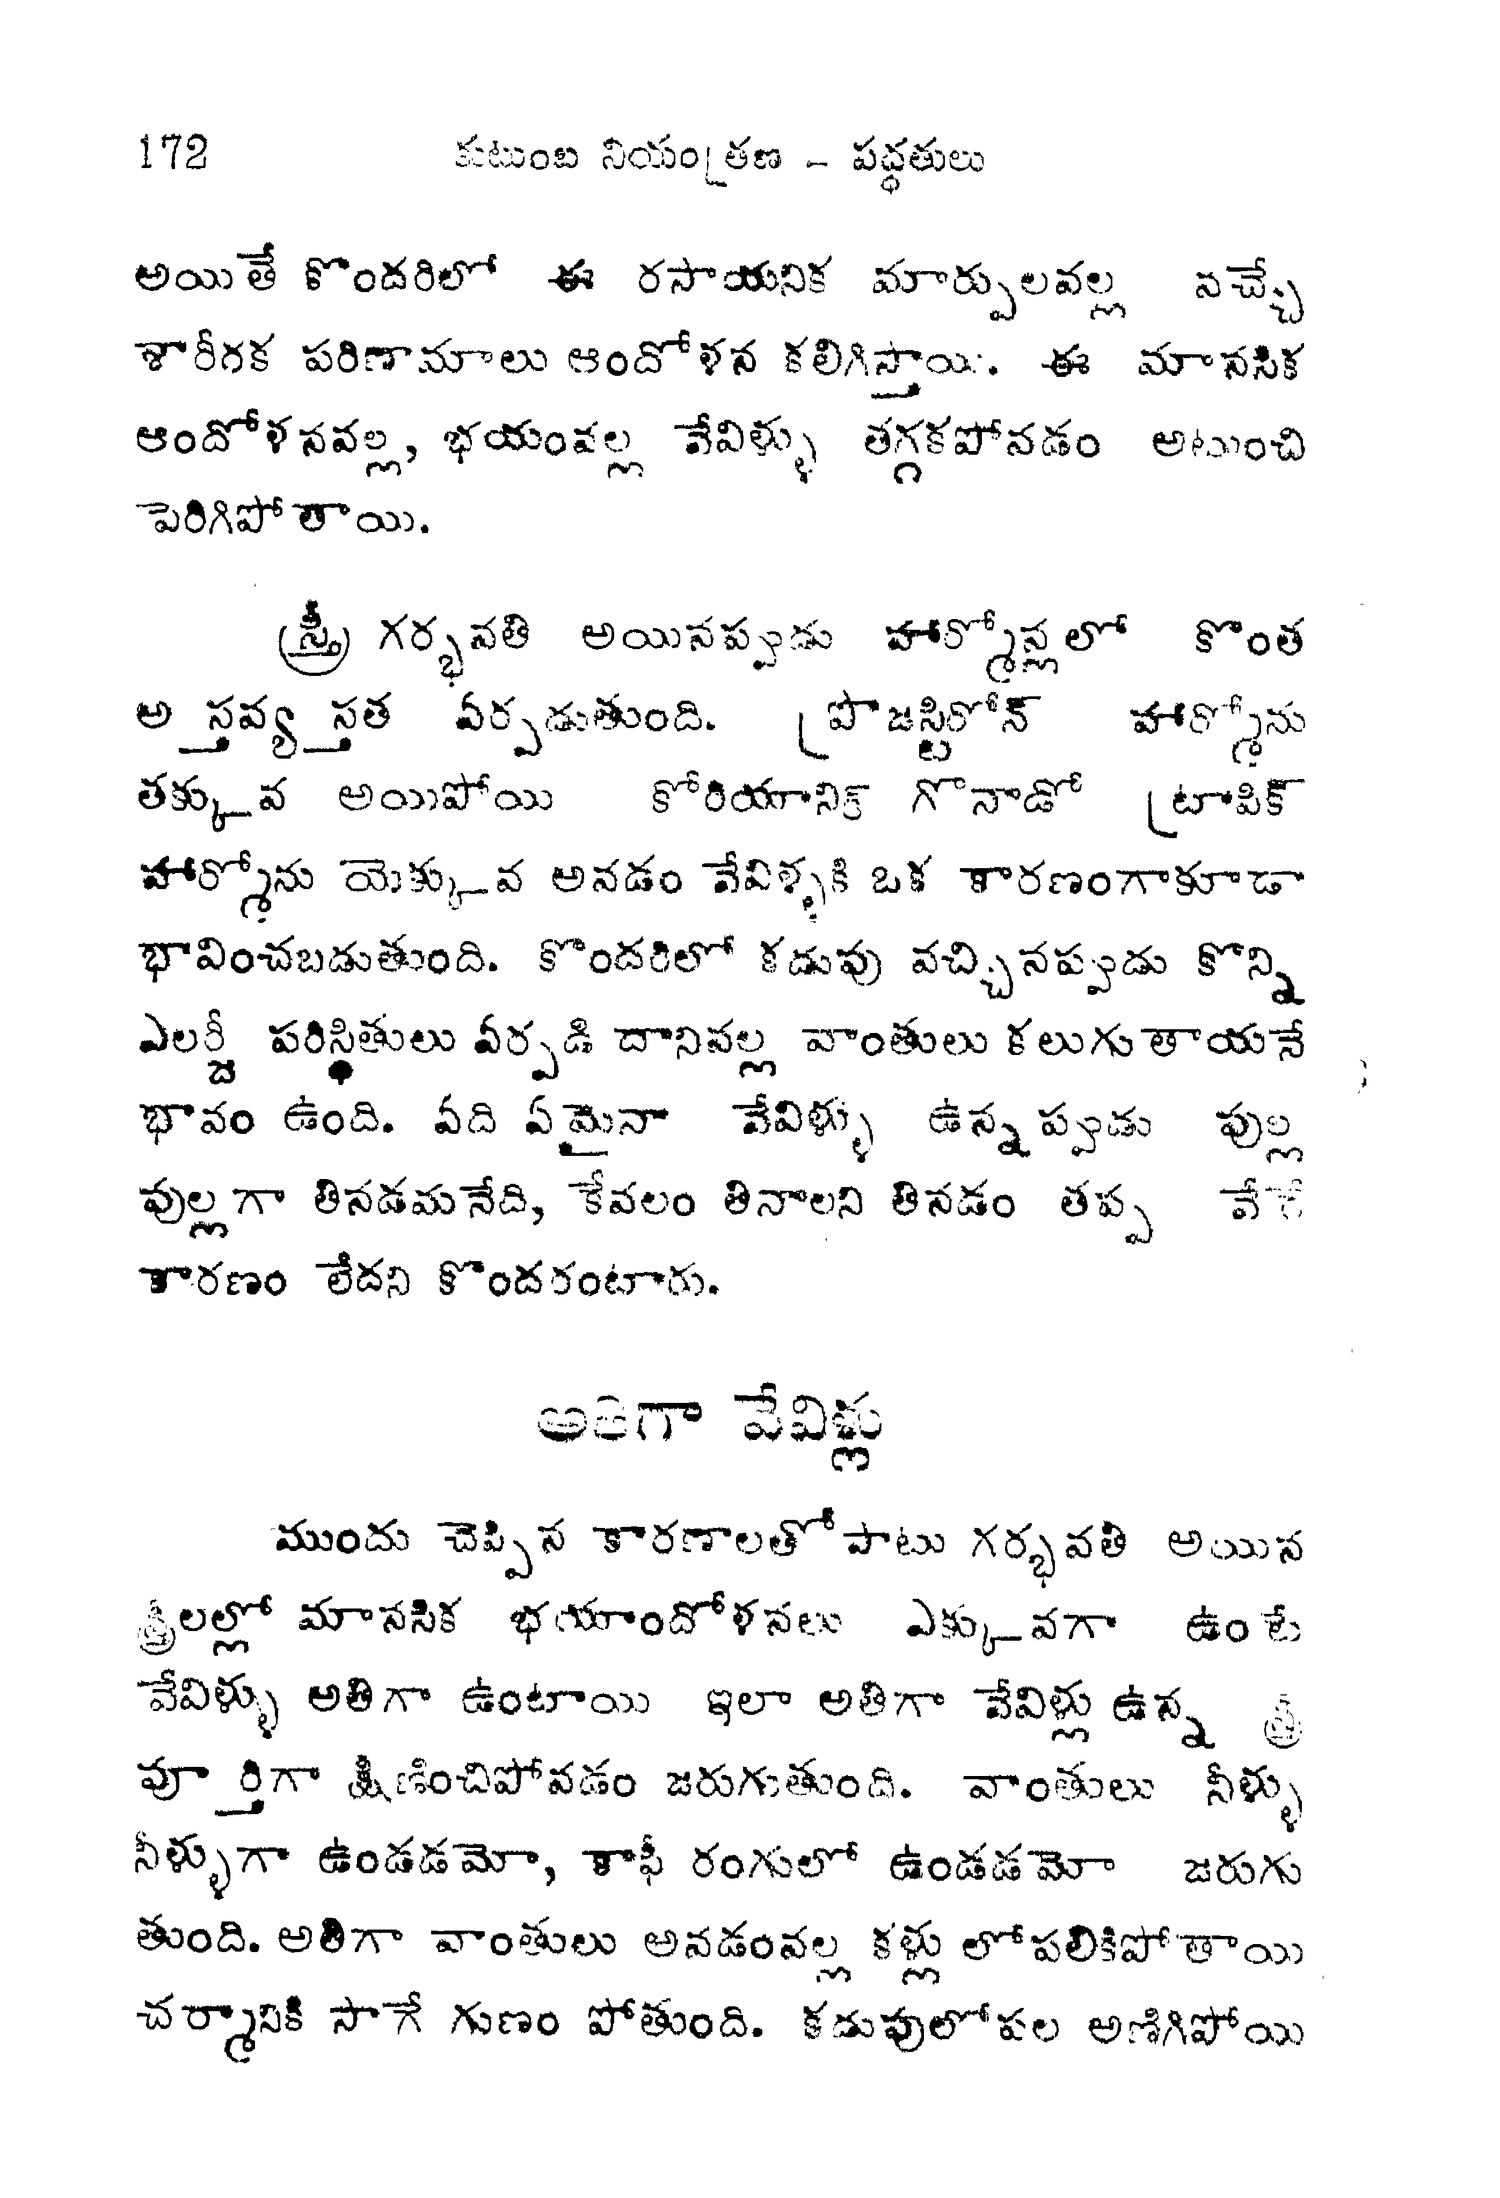అయితే కొందరిలో ఈ రసాయనిక మార్పులవల్ల వచ్చే శారీరిక పరిణామాలు ఆందోళన కలిగిస్తాయి. ఈ మానసిక ఆందోళనవల్ల, భయంవల్ల వేవిళ్ళు తగ్గకపోవడం అటుంచి పెరిగిపోతాయి.

స్త్రీ గర్భవతి అయినప్పుడు హార్మోన్లలో కొంత అస్తవ్యస్తత ఏర్పడుతుంది. ప్రొజస్టిరోన్ హార్మోను తక్కువ అయిపోయి కోరియానిక్ గొనాడో ట్రాపిక్ హార్మోను ఎక్కువ అవడం వేవిళ్ళకి ఒక కారణంగాకూడా భావించబడుతుంది. కొందరిలో కడుపు వచ్చినప్పుడు కొన్ని ఎలర్జీ పరిస్థితులు ఏర్పడి దానివల్ల వాంతులు కలుగుతాయనే భావం ఉంది. ఏది ఏమైనా వేవిళ్ళు ఉన్నప్పుడు పుల్ల పుల్లగా తినడమనేది, కేవలం తినాలని తినడం తప్ప వేరే కారణం లేదని కొందరంటారు.

ముందు చెప్పిన కారణాలతో పాటు గర్భవతి అయిన స్రీలల్లో మానసిక భయాందోళనలు ఎక్కువగా ఉంటే వేవిళ్ళు అతిగా ఉంటాయి. ఇలా అతిగా వేవిళ్ళు ఉన్న స్త్రీ పూర్తిగా క్షీణించిపోవడం జరుగుతుంది. వాంతులు నీళ్ళు నీళ్ళుగా ఉండడమో, కాఫీ రంగులో ఉండడమో జరుగుతుంది. అతిగా వాంతులు అవడంవల్ల కళ్లు లోపలికి పోతాయి. చర్మానికి సాగే గుణం పొతుంది. కడుపులోపల అణిగిపోయి